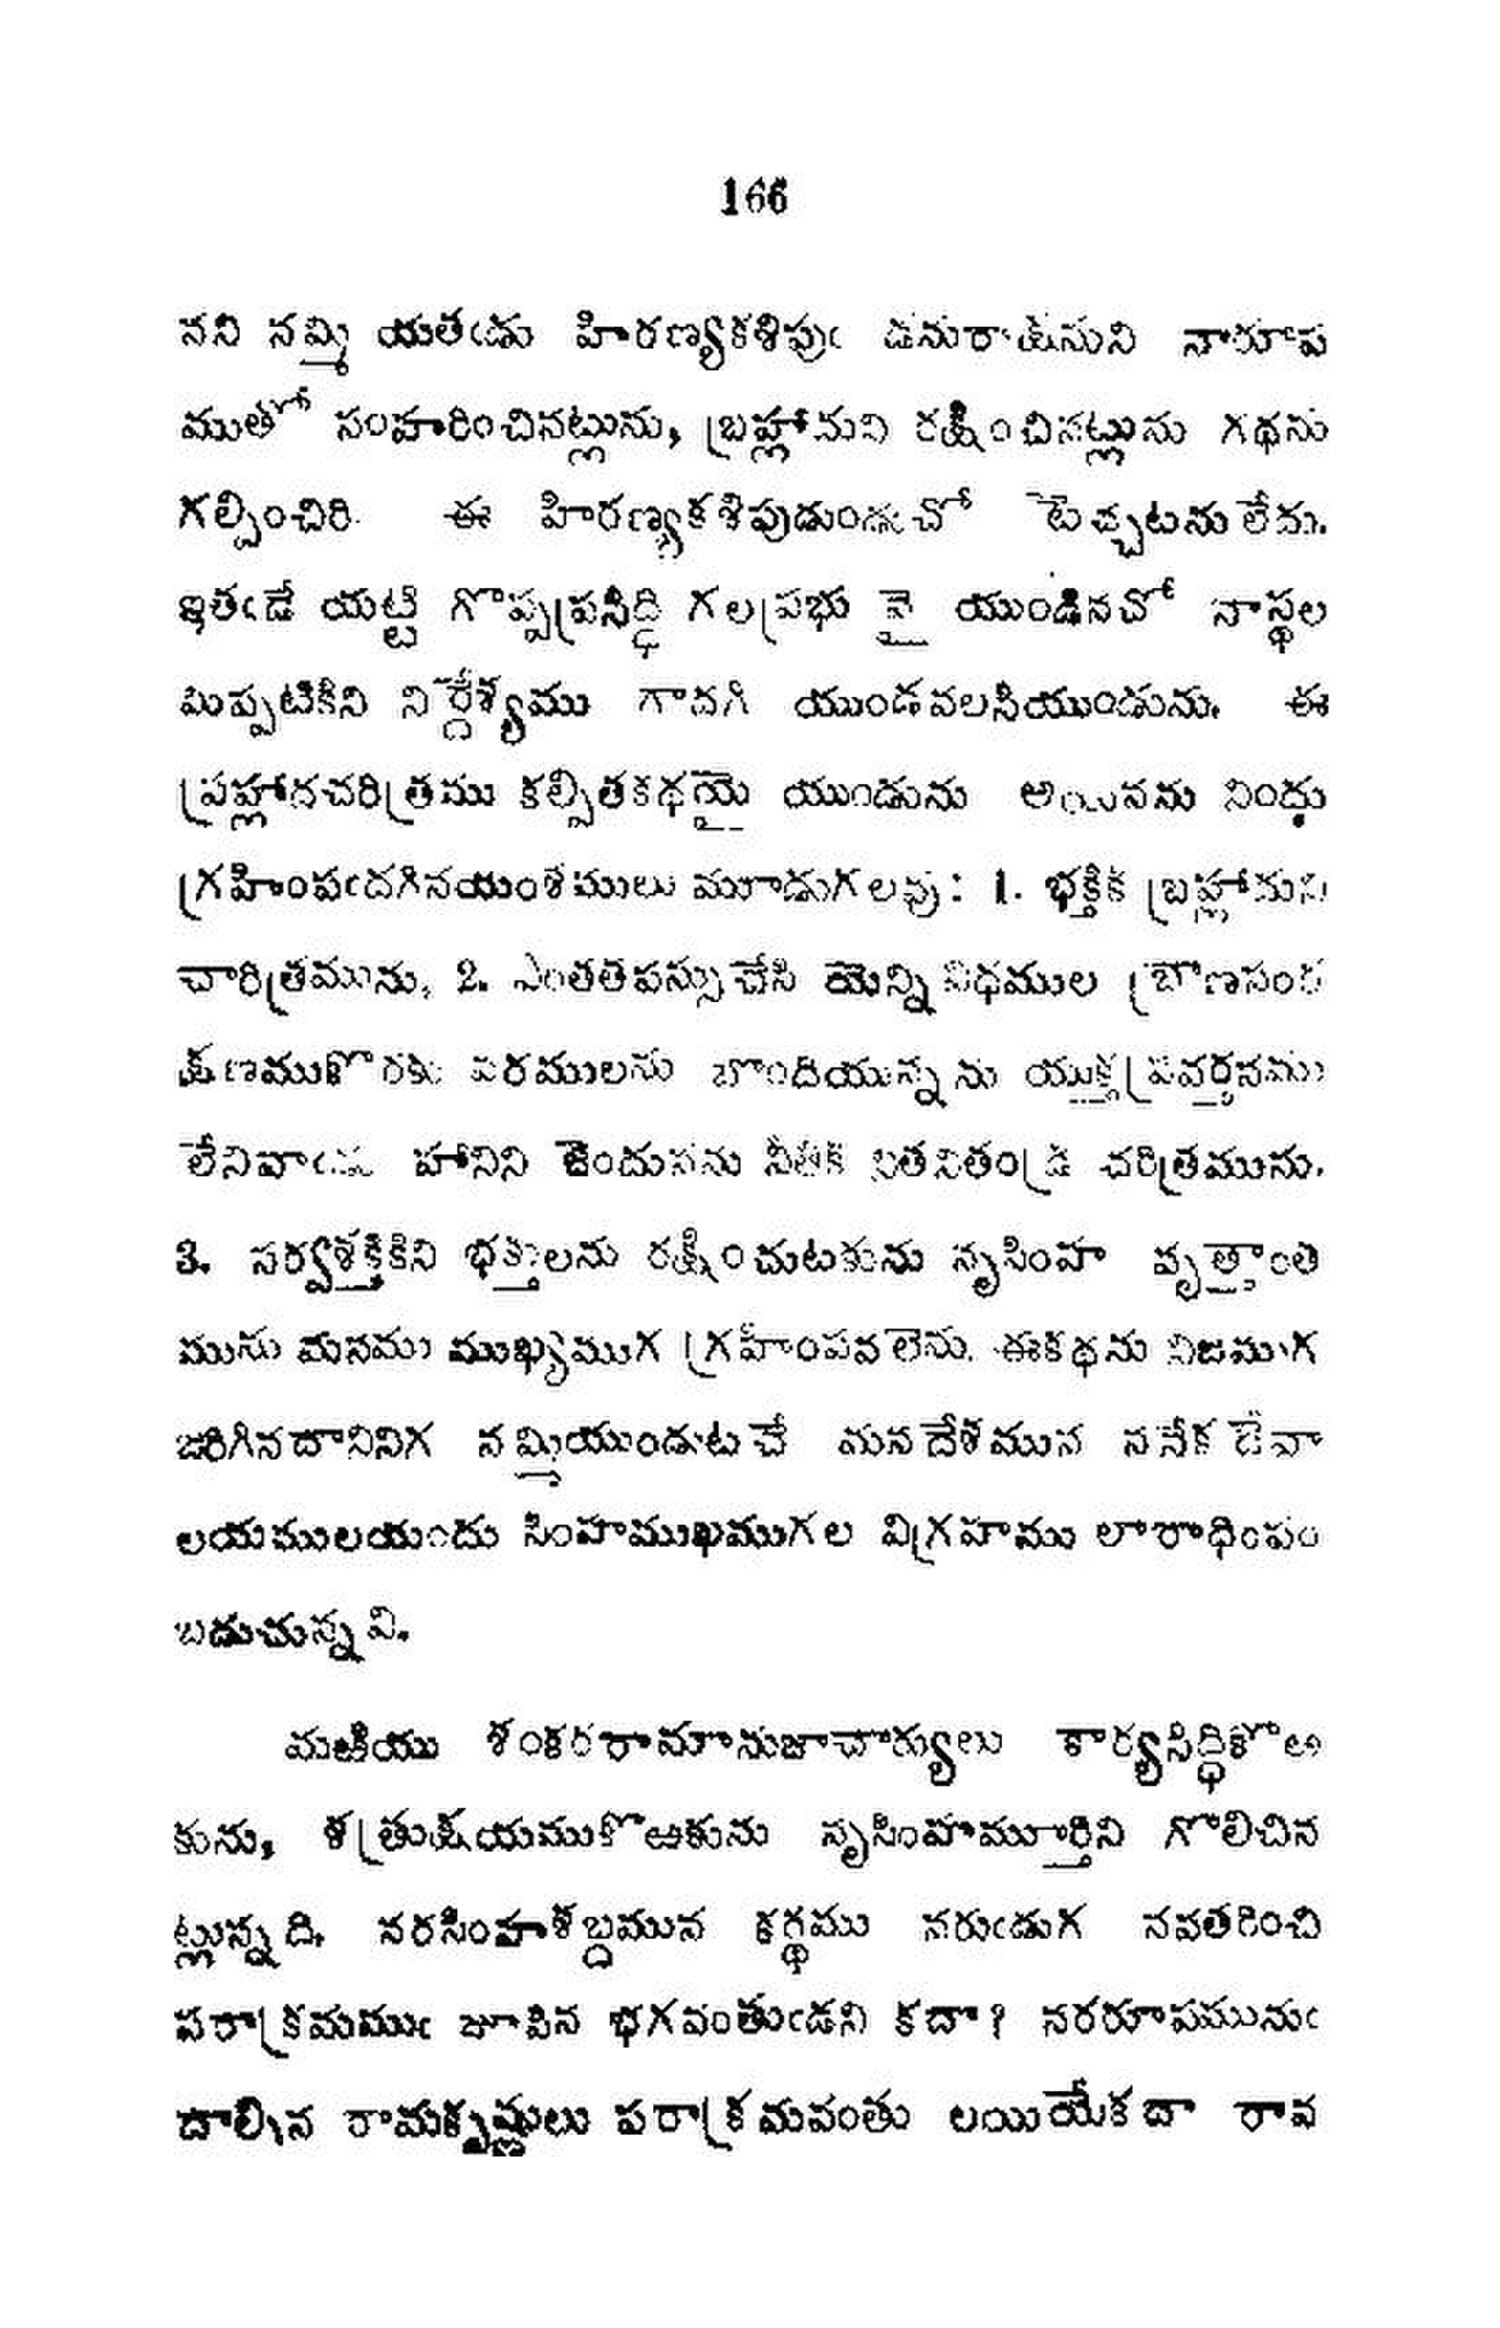నని నమ్మి యతఁడు హిరణ్యకశిపుఁ డనురాక్షసుని నారూపముతో సంహరించినట్లును, బ్రహ్లాదుని రక్షించినట్లును గథను గల్పించిరి. ఈ హిరణ్యకశిపుడుండుచో టెచ్చటనులేదు. ఇతఁడే యట్టి గొప్పప్రసిద్ధి గలప్రభువై యుండినచో నాస్థల మిప్పటికిని నిర్దేశ్యము గాదగి యుండవలసియుండును.
ఈ ప్రహ్లాదచరిత్రము కల్పితకథయై యుండును అయినను నిందు గ్రహింపఁదగినయంశములు మూడుగలవు : 1. భక్తికి బ్రహ్లాదుని చారిత్రమును, 2. ఎంతతపస్సుచేసి యెన్నివిధముల బ్రాణసంరక్షణముకొరకు వరములను బొందియున్నను యుక్తప్రవర్తనము లేనివాఁడు హానిని జెందునను నీతికి నితనితండ్రి చరిత్రమును, 3. సర్వశక్తికిని భక్తులను రక్షించుటకును నృసింహ వృత్తాంతమును మనము ముఖ్యముగ గ్రహింపవలెను. ఈకథను నిజముగ జరిగినదానినిగ నమ్మియుండుటచే మనదేశమున ననేక దేవాలయములయందు సింహముఖముగల విగ్రహము లారాధింపం బడుచున్నవి.

మఱియు శంకరరామానుజాచార్యులు కార్యసిద్ధికొఱకును, శత్రుక్షయముకొఱకును నృసింహమూర్తిని గొలిచినట్లున్నది. నరసింహశబ్దమున కర్థము నరుఁడుగ నవతరించి పరాక్రమముఁ జూపిన భగవంతుఁడని కదా? నరరూపమునుఁ దాల్చిన రామకృష్ణులు పరాక్రమవంతు లయియేకదా రావ